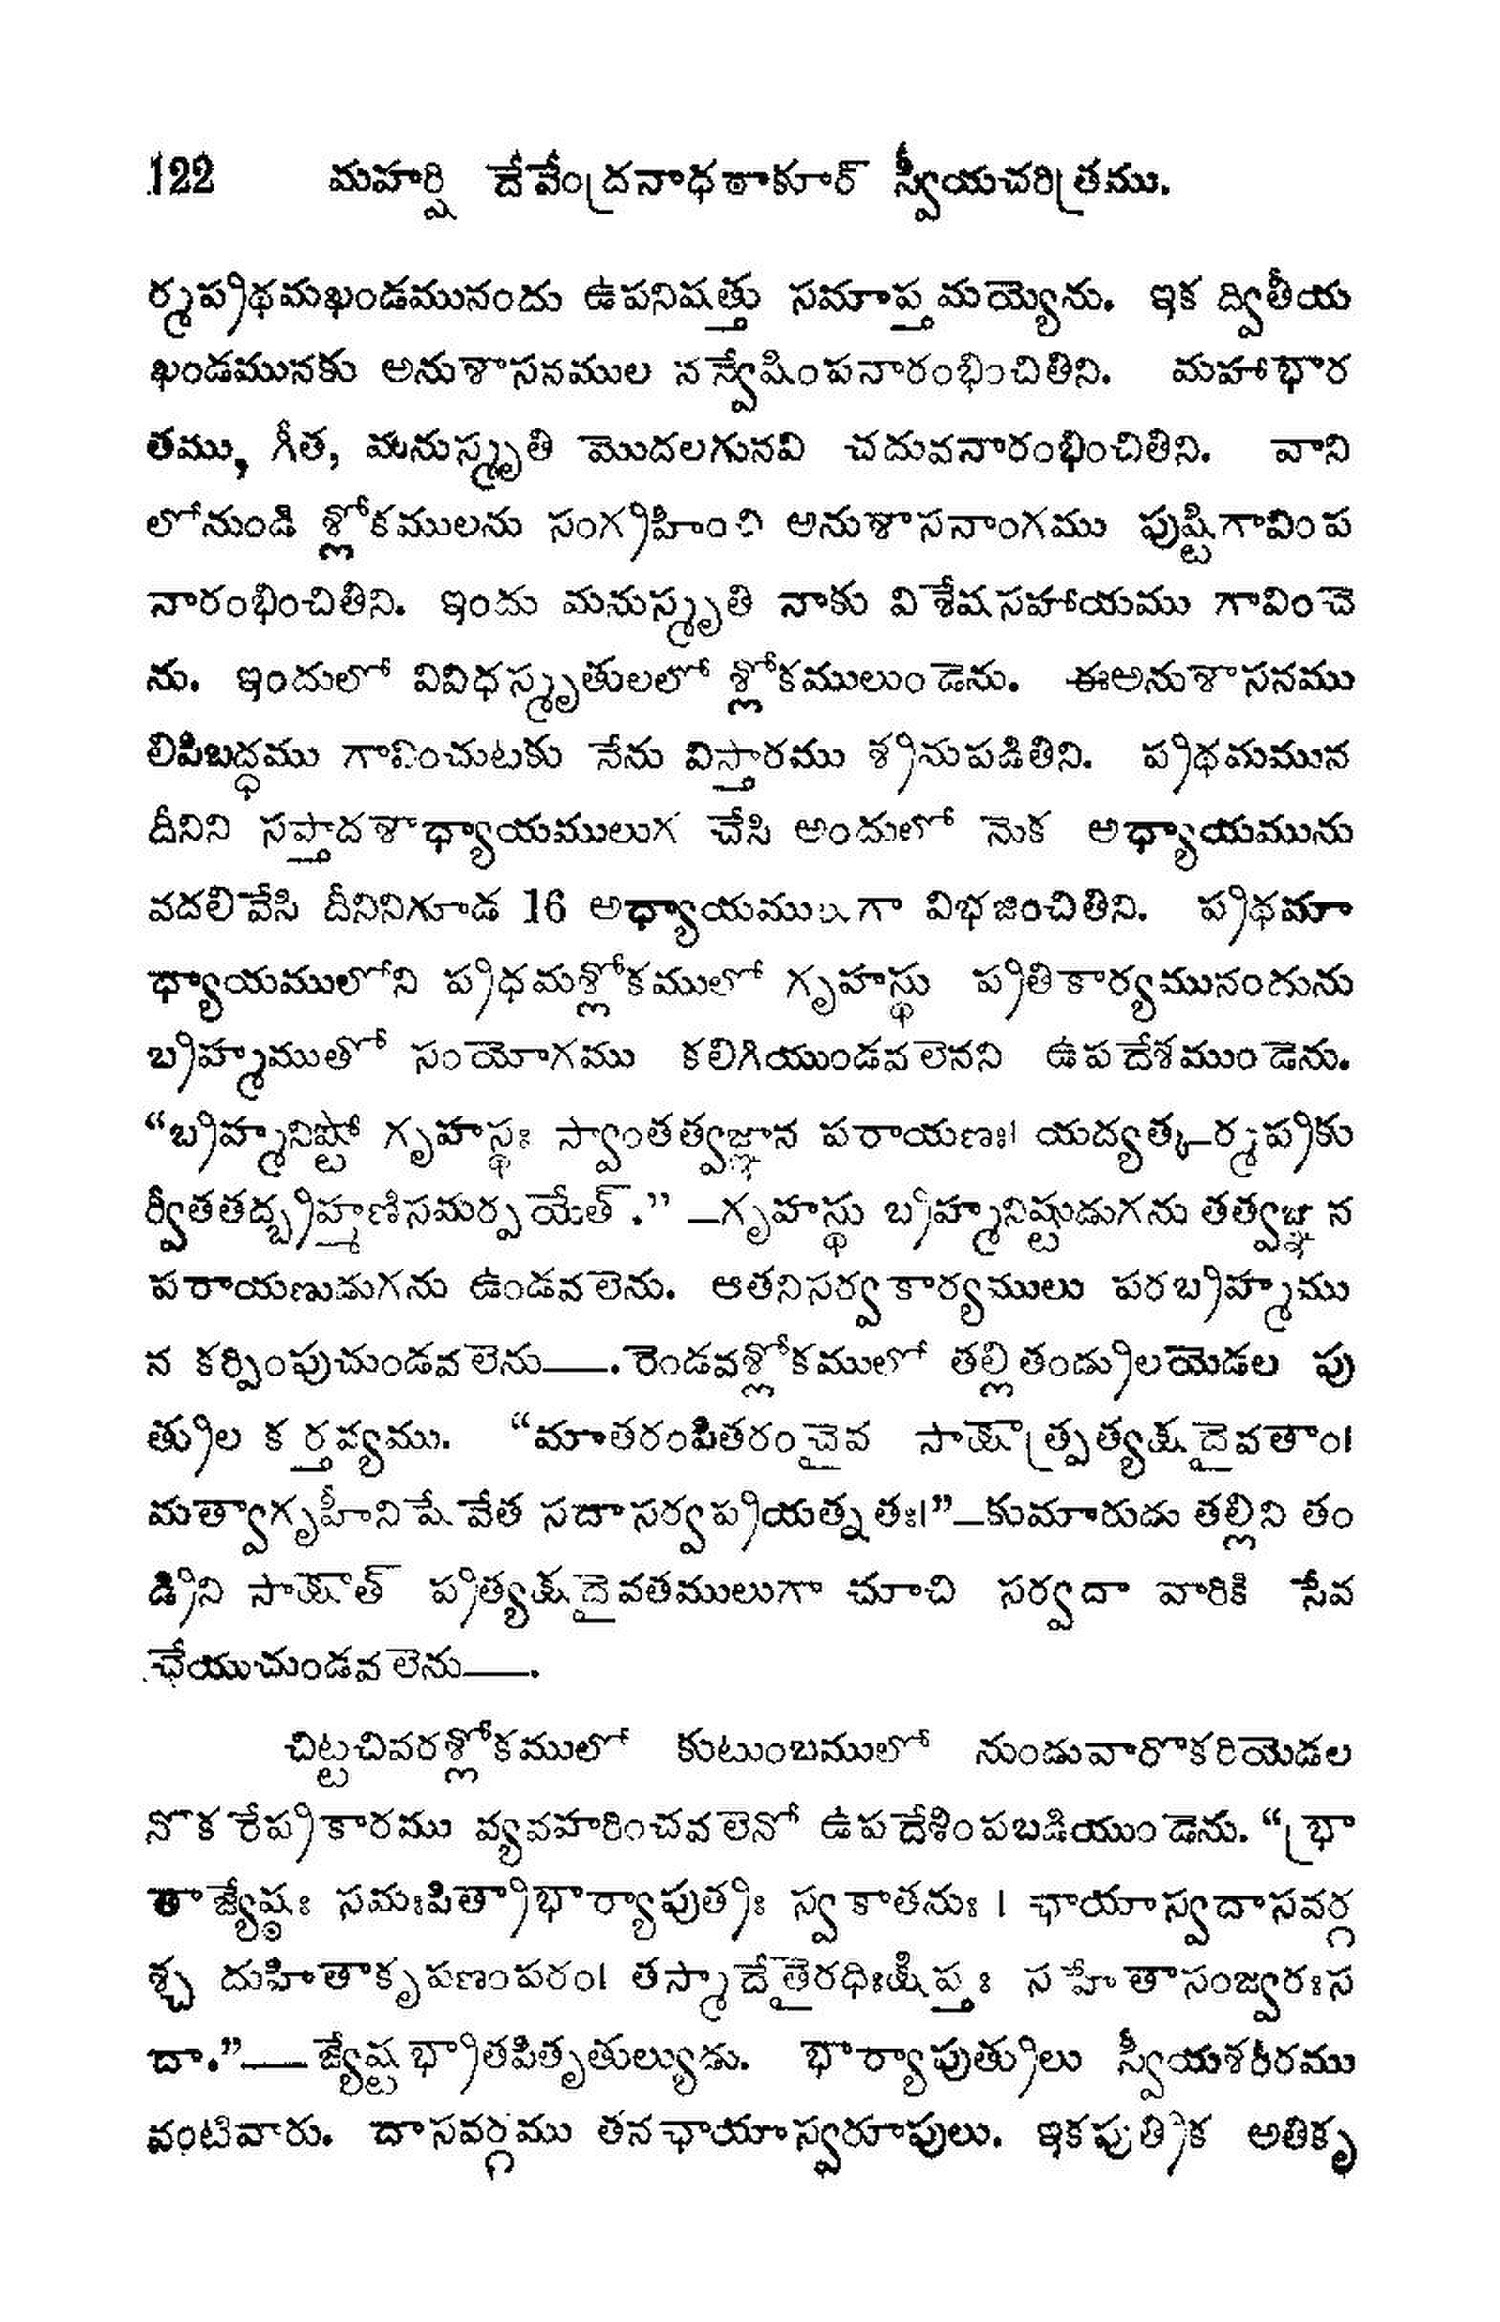ర్మపథమఖండమునందు ఉపనిషత్తు సమాప్త మయ్యెను. ఇక ద్వితీయ
ఖండమునకు అనుశాసనముల నన్వేషింప నారంభిచితిని. 
మహా భారతము, గీత, మనుస్మృతి మొదలగునవి చదువనారంభించితిని.
వాని లోనుండి శ్లోకములను సంగ్రహించి అనుశాసనాంగము పుష్టిగావింప
నారంభించితిని. ఇందు మనుస్మృతి నాకు విశేష సహాయము గావించెను. 
ఇందులో వివిధ స్మృతులలో శ్లోకములుండెను. ఈ అనుశాసనము
లిపిబద్దము గావించుటకు నేను విస్తారము శ్రమపడితిని. ప్రథమమున
దీనిని సప్తాదశాధ్యాయములుగ చేసి అందులో ఒక అధ్యాయమును
వదలి వేసి దీనినిగూడ 16 అధ్యాయములుగా విభజించితిని. ప్రథమా
ధ్యాయములోని ప్రధమశ్లోకములో గృహస్థు ప్రతి కార్యము నందును
బ్రహ్మముతో సంయోగము కలిగియుండవలెనని ఉపదేశముండెను.
“బ్రహ్మనిష్టో గృహస్థః స్వాంత త్వజ్ఞాన పరాయణః! యద్యత్కర్మపకు
ర్వీతతదహణి సమర్పయేత్ .” _గృహస్థు బ్రహ్మనిష్టుడుగను తత్వజ్ఞాన
పరాయణుడుగను ఉండవలెను. అతని సర్వ కార్యములు పరబ్రహ్మము
నంకల్పింపుచుండవలెను. రెండవ శ్లోకములో తల్లితల్లి తండ్రుల యెడల 
పుత్రుల కర్తవ్యము. “మాతరంపితరం చైవ సామ్రృత్యకు దైవ తాం!
మత్వాగృహీని షే. వేత సదా సర్వప్రయత్నతః! ” కుమారుడు తల్లిని
తండ్రిని సాక్షాత్ ప్రత్యక్ష దైవతములుగా చూచి సర్వదా వారికి సేవ
చేయుచుండవలెను.

చిట్టచివరశ్లోకములో కుటుంబములో నుండు వారొకరి యెడల
నొక రేప్రకారము వ్యవహరించవలెనో ఉపదేశింపబడి యుండెను.
 “బ్రాతా జ్యేష్ఠః సమఃపితాభార్యాపుత్వ స్వ కాతమః | ఛాయా స్వదాసవర్గ
శ్చ దుహితాకృషణం పరం! తస్మాదే తైరయ్యప్తః స హే తాసంజ్వరఃసదా"
జ్యేష్ట బ్తాతపితృతుల్యుడు. భార్యాపుతులు స్వీయశరీరమువంటివారు. 
దాసవర్గము తన ఛాయా స్వరూపులు. ఇకపుత్మిక అతికృ